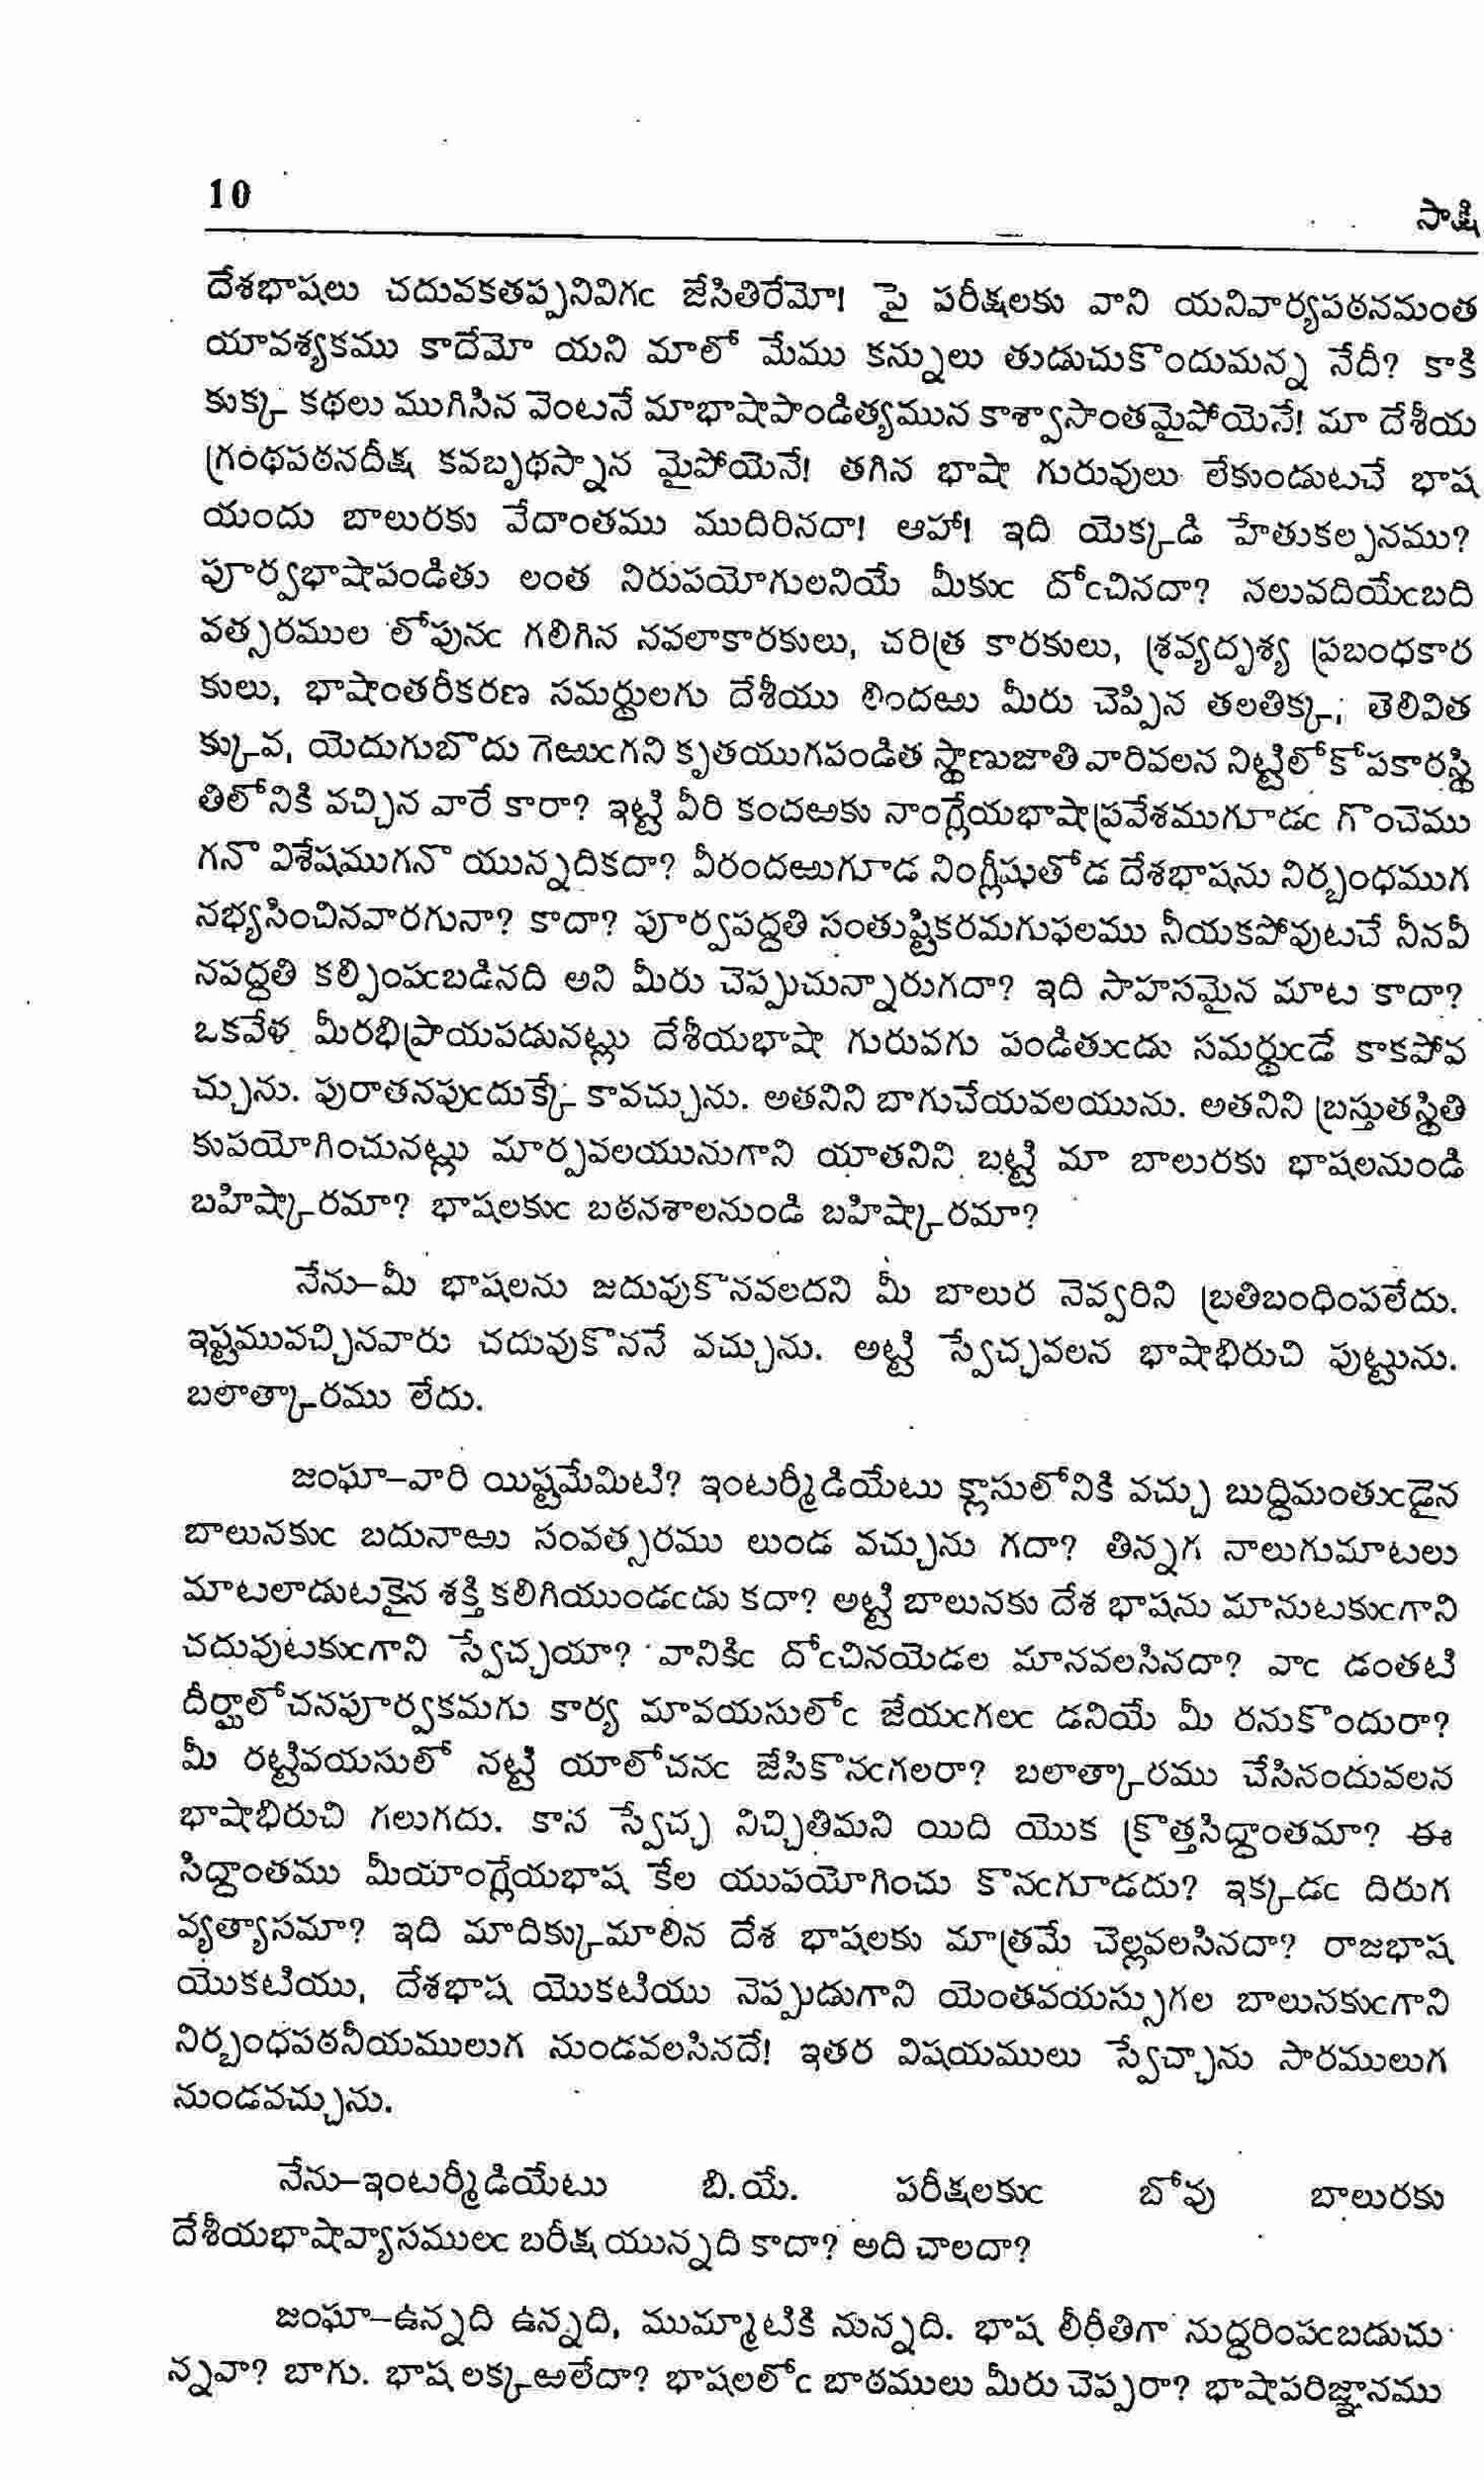దేశభాషలు చదువకతప్పనివిగఁ జేసితిరేమో! పై పరీక్షలకు వాని యనివార్యపఠనమంత యావశ్యకము కాదేమో యని మాలో మేము కన్నులు తుడుచుకొందుమన్న నేదీ? కాకి కుక్క కథలు ముగిసిన వెంటనే మాభాషాపాండిత్యమున కాశ్వాసాంతమైపోయెనే! మా దేశీయ గ్రంథపఠనదీక్ష కవబృథస్నాన మైపోయెనే! తగిన భాషా గురువులు లేకుండుటచే భాష యందు బాలురకు వేదాంతము ముదిరినదా! ఆహా! ఇది యెక్కడి హేతుకల్పనము? పూర్వభాషాపండితు లంత నిరుపయోగులనియే మీకుఁ దోఁచినదా? నలువదియేఁబది వత్సరముల లోపునఁ గలిగిన నవలాకారకులు, చరిత్ర కారకులు, శ్రవ్యదృశ్య ప్రబంధకారకులు, భాషాంతరీకరణ సమర్థులగు దేశీయు లిందఱు మీరు చెప్పిన తలతిక్క, తెలివితక్కువ, యెదుగుబొదు గెఱుఁగని కృతయుగపండిత స్థాణుజాతి వారివలన నిట్టిలోకోపకారస్థితిలోనికి వచ్చిన వారే కారా? ఇట్టి వీరి కందఱకు నాంగ్లేయభాషాప్రవేశముగూడఁ గొంచెముగనొ విశేషముగనొ యున్నదికదా? వీరందఱుగూడ నింగ్లీషుతోడ దేశభాషను నిర్బంధముగ
నభ్యసించినవారగునా? కాదా? పూర్వపద్దతి సంతుష్టికరమగుఫలము నీయకపోవుటచే నీనవీనపద్ధతి కల్పింపఁబడినది అని మీరు చెప్పుచున్నారుగదా? ఇది సాహసమైన మాట కాదా? ఒకవేళ మీరభిప్రాయపడునట్లు దేశీయభాషా గురువగు పండితుఁడు సమర్థుఁడే కాకపోవచ్చును. పురాతనపుఁదుక్కే కావచ్చును. అతనిని బాగుచేయవలయును. అతనిని బ్రస్తుతస్థితి కుపయోగించునట్లు మార్పవలయునుగాని యాతనిని బట్టి మా బాలురకు భాషలనుండి బహిష్కారమా? భాషలకుఁ బఠనశాలనుండి బహిష్కారమా?

నేను-మీ భాషలను జదువుకొనవలదని మీ బాలుర నెవ్వరిని బ్రతిబంధింపలేదు. ఇష్టమువచ్చినవారు చదువుకొననే వచ్చును. అట్టి స్వేచ్ఛవలన భాషాభిరుచి పుట్టును. బలాత్కారము లేదు.

జంఘా-వారి యిష్టమేమిటి? ఇంటర్మీడియేటు క్లాసులోనికి వచ్చు బుద్ధిమంతుఁడైన బాలునకుఁ బదునాఱు సంవత్సరము లుండ వచ్చును గదా? తిన్నగ నాలుగుమాటలు మాటలాడుటకైన శక్తి కలిగియుండఁడు కదా? అట్టి బాలునకు దేశ భాషను మానుటకుఁగాని చదువుటకుఁగాని స్వేచ్ఛయా? ' వానికిఁ దోఁచినయెడల మానవలసినదా? వాఁ డంతటి దీర్ఘాలోచనపూర్వకమగు కార్య మావయసులోఁ జేయఁగలఁ డనియే మీ రనుకొందురా? మీ రట్టివయసులో నట్టి యాలోచనఁ జేసికొనఁగలరా? బలాత్కారము చేసినందువలన భాషాభిరుచి గలుగదు. కాన స్వేచ్ఛ నిచ్చితిమని యిది యొక క్రొత్తసిద్ధాంతమా? ఈ సిద్ధాంతము మీయాంగ్లేయభాష కేల యుపయోగించు కొనఁగూడదు? ఇక్కడఁ దిరుగ వ్యత్యాసమా? ఇది మాదిక్కుమాలిన దేశ భాషలకు మాత్రమే చెల్లవలసినదా? రాజభాష
యొకటియు, దేశభాష యొకటియు నెప్పుడుగాని యెంతవయస్సుగల బాలునకుఁగాని
నిర్బంధపఠనీయములుగ నుండవలసినదే! ఇతర విషయములు స్వేచ్ఛాను సారములుగ
నుండవచ్చును.

నేను-ఇంటర్మీడియేటు బి.యే. పరీక్షలకుఁ బోవు బాలురకు దేశీయభాషావ్యాసములఁ బరీక్ష యున్నది కాదా? అది చాలదా?

జంఘా-ఉన్నది ఉన్నది, ముమ్మాటికి నున్నది. భాష లీరీతిగా నుధ్ధరింపఁబడుచున్నవా? బాగు. భాష లక్కఱలేదా? భాషలలోఁ బాఠములు మీరు చెప్పరా? భాషాపరిజ్ఞానము